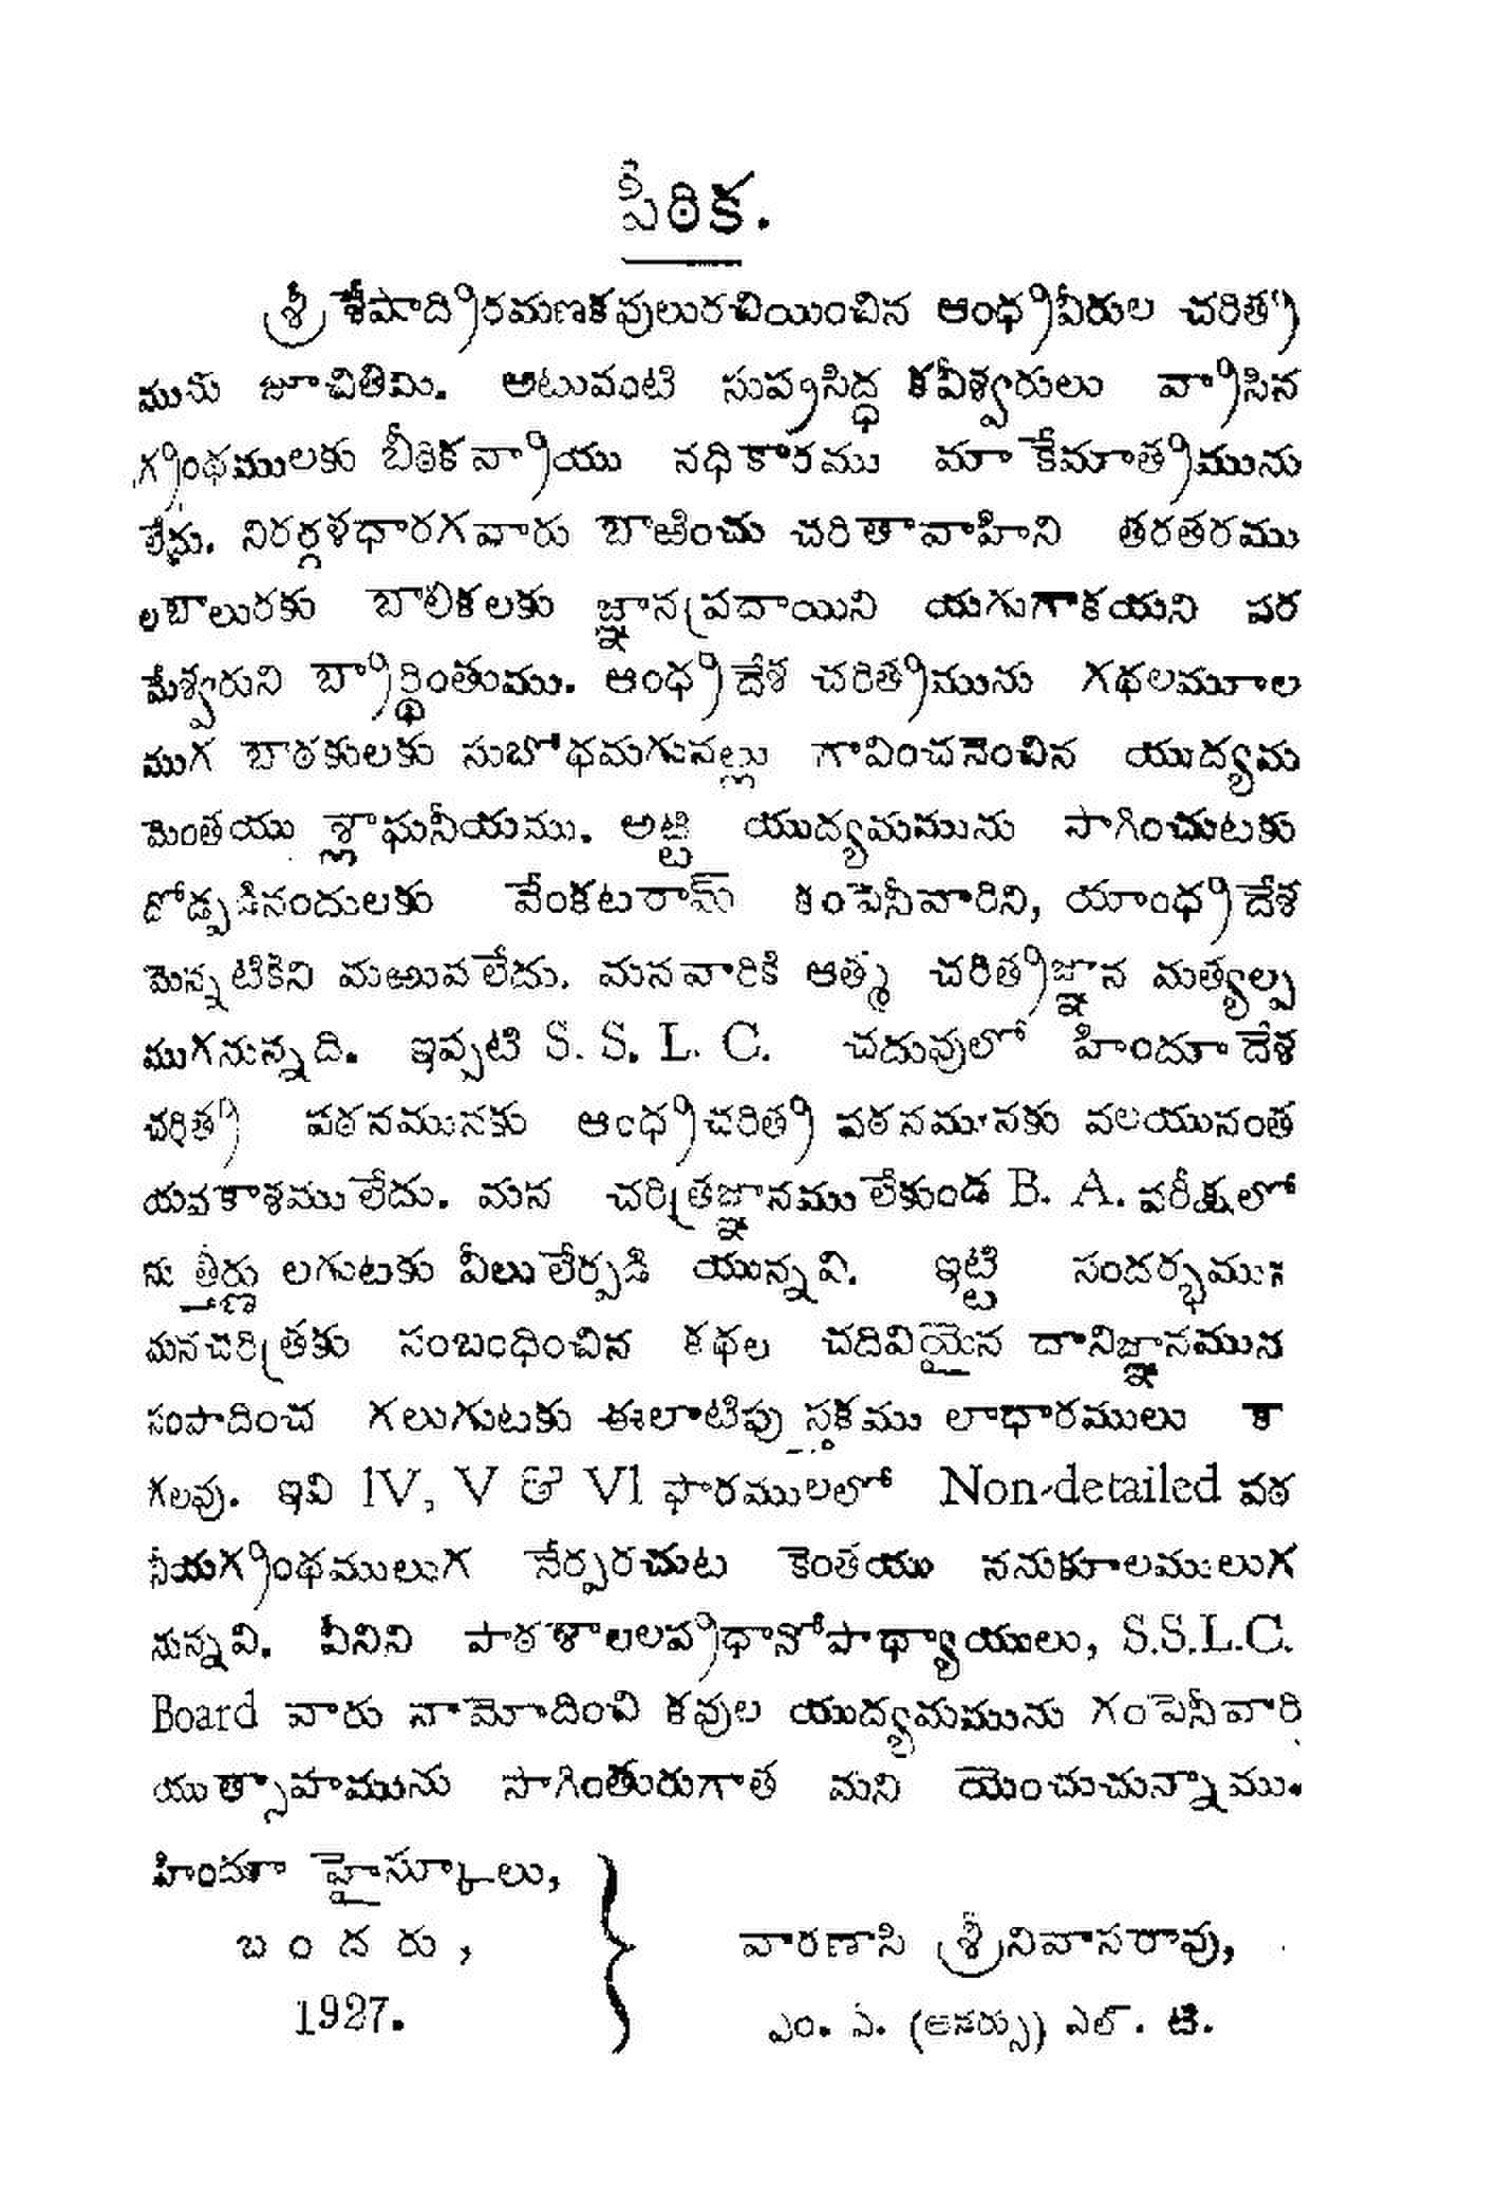శ్రీ శేషాద్రి రమణ కవులు రచియించిన ఆంధ్ర వీరుల చరిత్రమును జూచితిమి. అటువంటి సుప్రసిద్ధ కవీశ్వరులు వ్రాసిన గ్రంథములకు బీఠిక వ్రాయు నధికారము మాకేమాత్రమును లేదు. నిరర్గళధారగవారు బాఱించు చరితావాహిని తరతరముల బాలురకు బాలికలకు జ్ఞానప్రదాయిని యగుగాకయని పరమేశ్వరుని బ్రార్థింతుము. ఆంధ్రదేశ చరిత్రమును గథలమూలముగ బాఠకులకు సుబోధమగునట్లు గావించనెంచిన యుద్యమ మెంతయు శ్లాఘనీయము. అట్టి యుద్యమమును సాధించుటకు దోడ్పడినందులకు వేంకరామ్‌ కంపెనీవారికి, యాంధ్రదేశ మెన్నటికిని మఱువలేదు. మనవారికి ఆత్మ చరిత్రజ్ఞాన మత్యల్పముగ నున్నది. ఇప్పటి S. S. L. C. చదువులో హిందూదేశ చరిత్ర పఠనమునకు ఆంధ్రచరిత్ర పఠనమునకు వలయునంత యవకాశము లేదు. మన చరిత్రజ్ఞానము లేకుండ B. A. పరీక్షలో నుత్తీర్ణు లగుటకు వీలులేర్పడి యున్నవి. ఇట్టి సందర్భమున మన చరిత్రకు సంబంధించిన కథల చదివియైన దాని జ్ఞానమున సంపాదించ గలుగుటకు ఈలాటి పుస్తకము లాధారములు కాగలవు. ఇవి IV, I & VI ఫారములలో Non-detailed పఠనీయ గ్రంథములుగ నేర్పరచుట కెంతయు ననుకూలములుగ నున్నవి. వీనిని పాఠశాలల ప్రధానోపాధ్యాయులు, S. S. L. C. Board వారు నామోదించి కవుల యుద్యమమును గంపెనీవారి యుత్సాహమును సాగింతురుగాత మని యెంచుచున్నాము. 

హిందూ హైస్కూలు, బందరు, 1927.

వారణాసి శ్రీనివాసరావు, ఎం. ఏ. (ఆనర్సు) ఎల్. టి.